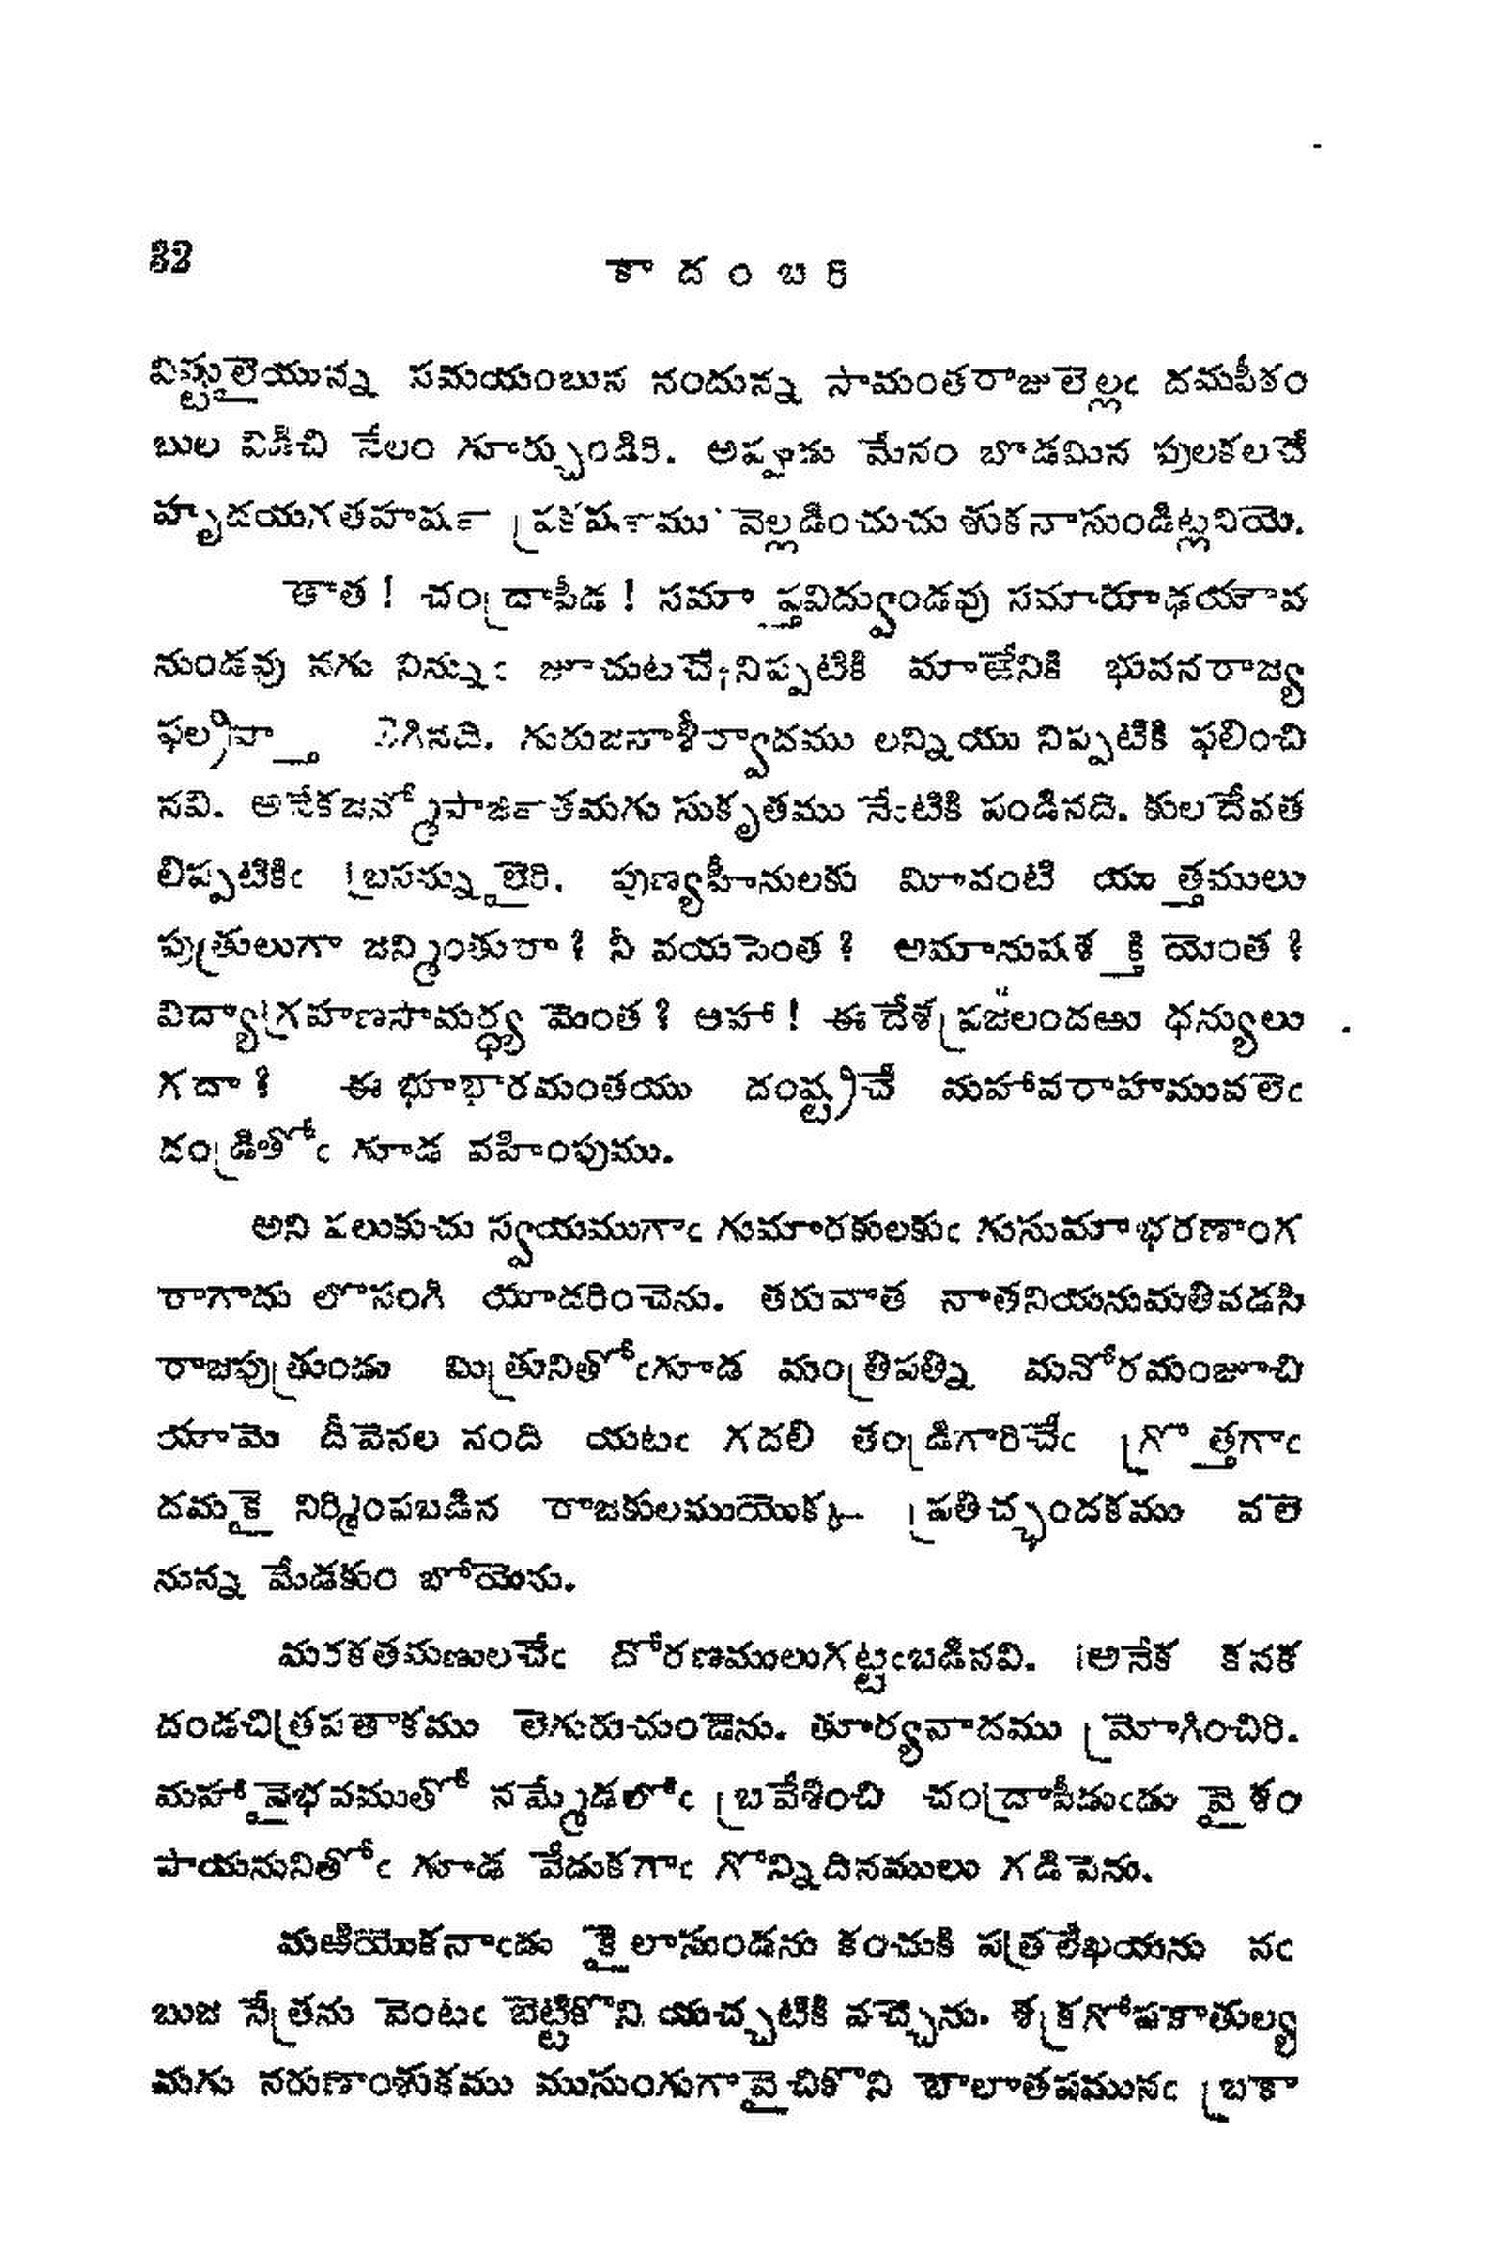విష్టులైయున్న సమయంబున నందున్న సామంతరాజులెల్లఁ దమపీఠాంబుల విడిచి నేలం గూర్చుండిరి. అప్పుడు మేనం బొడమిన పులకలచే హృదయగతహష౯ ప్రకష౯ము వెల్లడించుచు శుకనాసుండిట్లనియె.

తాత! చంద్రాపీడ! సమాప్తవిద్వుండవు సమారూఢయౌవనుండవు నగు నిన్నుఁ జూచుటచే; నిప్పటికి మాఱేనికి భువనరాజ్య ఫల్రప్తా కలిగినది. గురుజనాశీర్వాదము లన్నియు నిప్పటికి ఫలించినవి. అనేకజన్మోసాజి౯తమగు సుకృతము నేఁటికి పండినది. కులదేవత లిప్పటికిఁ బ్రసన్నులైరి. పుణ్యహీనులకు మీవంటి యుత్తములు పుత్రులుగా జన్మింతురా? నీ వయసెంత? అమానుషశక్తి యెంత? విద్యాగ్రహణసామర్ధ్య మెంత? ఆహా! ఈదేశప్రజలందఱు ధన్యులు గదా? ఈ భూభారమంతయు దంష్ట్రచే మహావరాహమువలెఁ దండ్రితోఁ గూడ వహింపుము.

అని పలుకుచు స్వయముగాఁ గుమారుకులకుఁ గుసుమాభరణాంగ రాగాదు లొసంగి యాదరించెను. తరువాత నాతనియనుమతివడసి రాజపుత్రుండు మిత్రునితోఁగూడ మంత్రిపత్ని మనోరమంజూచి యామె దీవెనల నంది యటఁ గదలి తండ్రిగారిచేఁ గ్రొత్తగాఁ దమకై నిర్మింపబడిన రాజకులముయొక్క ప్రతిచ్ఛందకము వలె నున్న మేడకుం బోయెను.

మరకతమణులచేఁ దోరణములుగట్టఁబడినవి. అనేక కనకదండచిత్రపతాకము లెగురుచుండెను. తూర్యనాదము మ్రోగించిరి. మహా వైభవముతో నమ్మేడలోఁ బ్రవేశించి చంద్రాపీడుఁడు వైశంపాయనునితోఁ గూడ వేడుకగాఁ గొన్నిదినములు గడిపెను.

మఱియొకనాఁడు కైలాసుండను కంచుకి పత్రలేఖయను నంబుజ నేత్రను వెంటఁ బెట్టికొని యచ్చటికి వచ్చెను. శక్రగోపకాతుల్యమగు నరుణాంశుకము ముసుంగుగావైచికొని బాలాతపమునఁ బ్రకా